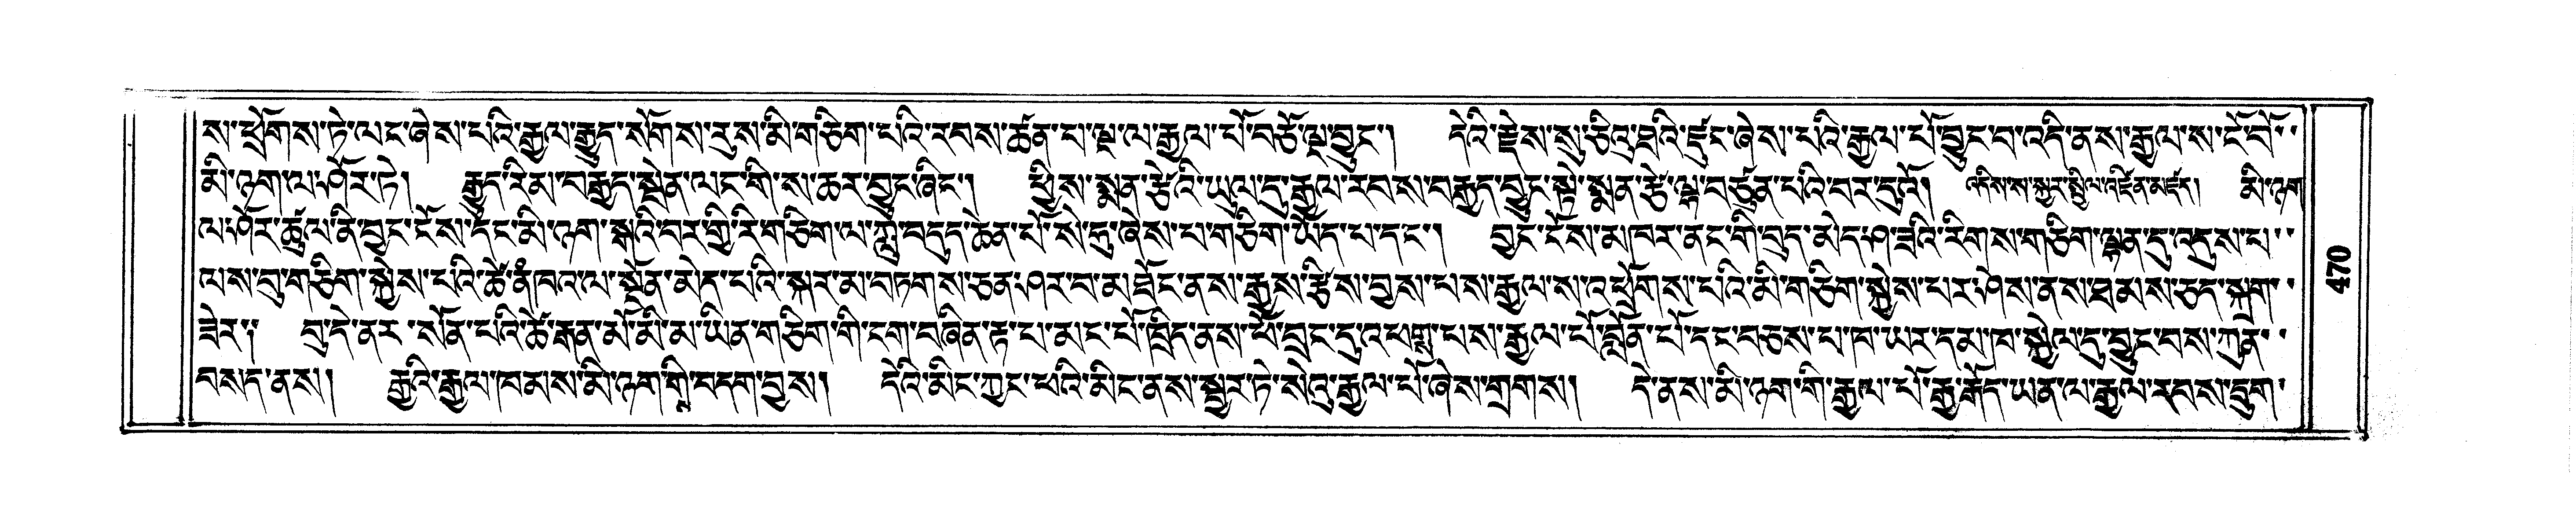ས་ཕྲོགས་ཏེ་ལང་ཞེས་པའི་རྒྱལ་རྒྱུད་སོགས་རུས་མི་གཅིག་པའི་རབས་ཚན་པ་ལྔ་ལ་རྒྱལ་པོ་བཅོ་ལྔ་བྱུང་། དེའི་རྗེས་སུ་ཅིའུ་ཐའི་ཛུང་ཞེས་པའི་རྒྱལ་པོ་བྱུང་བ་འདི་ནས་རྒྱལ་ས་ངོ་བོ་
མི་ཉག་ལ་ཤོར་ཏེ། རྒྱུད་རིམ་བརྒྱད་སྦེན་ལང་གི་ས་ཆར་བྱུང་ཞིང་། ཕྱིས་སྨན་རྩེའི་ཡུལ་དུ་རྒྱལ་རབས་བརྒྱད་བྱུང་སྟེ་སྨན་རྩེ་ལྷ་བཙུན་པའི་བར་དུའོ། འདིས་ས་སྐྱར་སྤྱིལ་འཛིན་མཛད།  མི་ཉག་
ལ་ཤོར་ཚུལ་ནི་བྱང་ངོས་དང་མི་ཉག་སྒའི་བར་གྱི་རི་གཅིག་ལ་ཀླུ་བདུད་ཆེན་པོ་སེ་ཧུ་ཞེས་པ་གཅིག་ཡོད་པ་དང་། བྱང་ངོས་མཁར་ནང་གི་བུད་མེད་ཤ་ཟའི་རིགས་གཅིག་ལྷན་དུ་འདུས་པ་
ལས་བུ་གཅིག་སྐྱེས་པའི་ཚེ་ནཾཁའ་ལ་སྔོན་མེད་པའི་སྐར་མ་བཏགས་ཅན་ཤར་བ་མཐོང་ནས་རྒྱས་རྩིས་བྱས་པས་རྒྱལ་ས་འཕྲོགས་པའི་མི་གཅིག་སྐྱེས་པར་ཤེས་ནས་ཐམས་ཅད་སྐྲག་
ཟེར༑ བུ་དེ་ནར་སོན་པའི་ཚེ་རྒན་མོ་མི་མ་ཡིན་གཅིག་གི་ངག་བཞིན་རྟ་པ་མང་པོ་ཁྲིད་ནས་ཕོ་བྲང་དུ་འཕགས་པས་རྒྱལ་པོ་བློན་པོ་དང་བཅས་པ་ཁ་ཡར་དམ་ཁ་སྐྱེལ་དུ་བྱུང་བས་ཀུན་
བསད་ནས། རྒྱའི་རྒྱལ་ཁམས་མི་ཉག་གིས་བདག་བྱས། དེའི་མིང་ཀྱང་ཕའི་མིང་ནས་སྦྱར་ཏེ་སེའུ་རྒྱལ་པོ་ཞེས་གྲགས། དེ་ནས་མི་ཉག་གི་རྒྱལ་པོ་རྒྱ་རྒོད་ཡན་ལ་རྒྱལ་རབས་དྲུག་